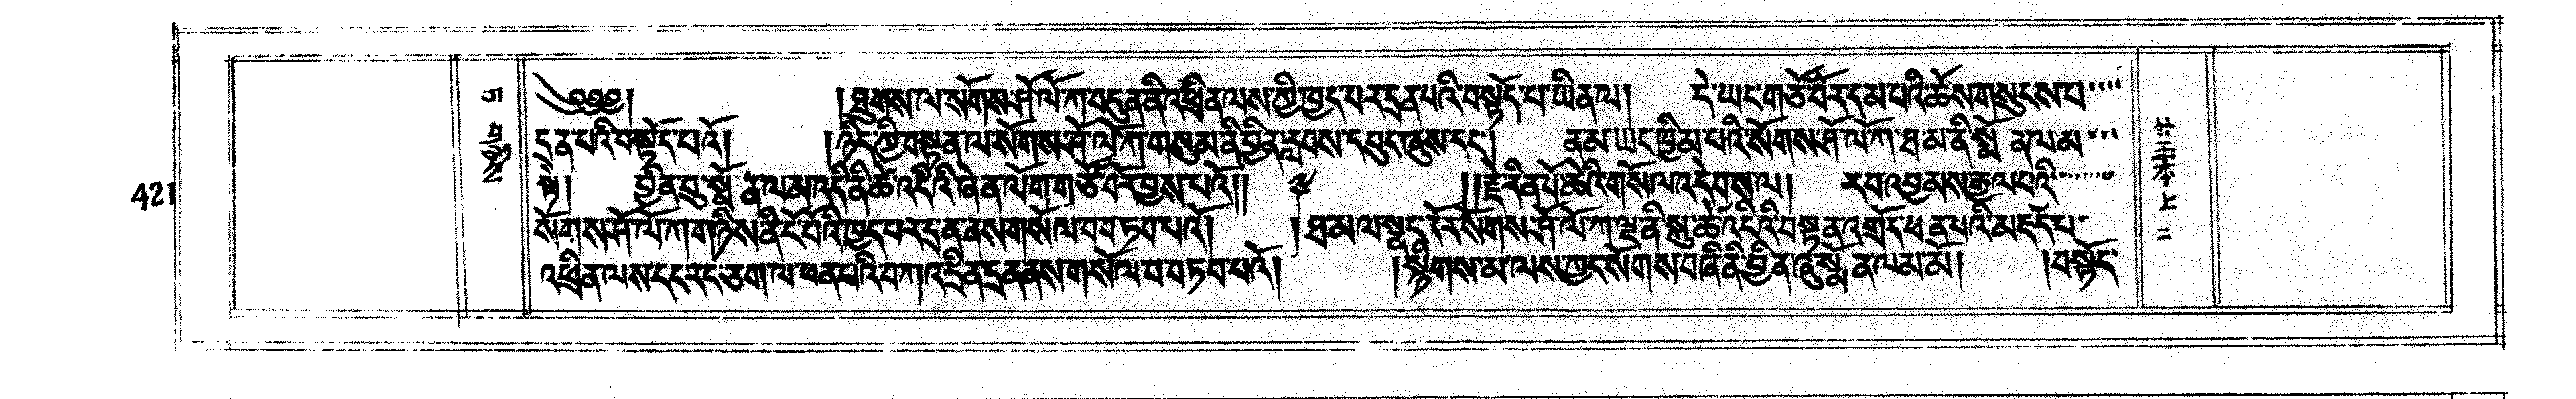༄༅༅། །ཐུགས་ལ་སོགས་ཤོ་ལོ་ཀ་བདུན་ནི་འཕྲིན་ལས་ཀྱི་ཁྱད་པར་དྲན་པའི་བསྟོད་པ་ཡིན་ལ། དེ་ཡང་གཙོ་བོར་དམ་པའི་ཆོས་གསུངས་པ་
དྲན་པའི་བསྟོད་པའོ། །ཉིད་ཀྱི་བསྟན་ལ་སོགས་ཤོ་ལོ་ཀ་གསུམ་ནི་བྱིན་རླབས་དབུང་ཞུས་དང་། ནམ་ཡང་ཁྱིམ་པའི་སོགས་ཤོ་ལོ་ཀ་ཐ་མ་ནི་སྨོན་ལམ་
སྟེ། བྱིན་བུ་སྨོན་ལམ་འདི་ནི་ཚེ་འདིའི་ཞེན་ལོག་གཙོ་བོར་བྱས་པའོ།། ༈ །།རྗེ་རིན་པོ་ཆེའི་གསོལ་འདེབས་ལ། རབ་འབྱམས་རྒྱལ་པའི་
སོགས་ཤོ་ལོ་ཀ་གཉིས་ནི་ངོ་བོའི་ཁྱད་པར་དྲན་ནས་གསོལ་བ་བཏབ་པའོ། །ཐ་མལ་སྣང་དོར་སོགས་ཤོ་ལོ་ཀ་ལྔ་ནི་སྐུ་ཚེ་འདིའི་བསྟན་འགྲོད་ཕན་པའི་མཛད་པ་
འཕྲིན་ལས་དང་རང་ཅག་ལ་ཕན་པའི་བཀའ་དྲིན་དྲན་ནས་གསོལ་བ་བཏབ་པའོ། །སྙིགས་མ་ལས་ཀྱང་སོགས་བཞི་ནི་བྱིན་ཞུ་སྨོན་ལམ་མོ། །བསྟོད་